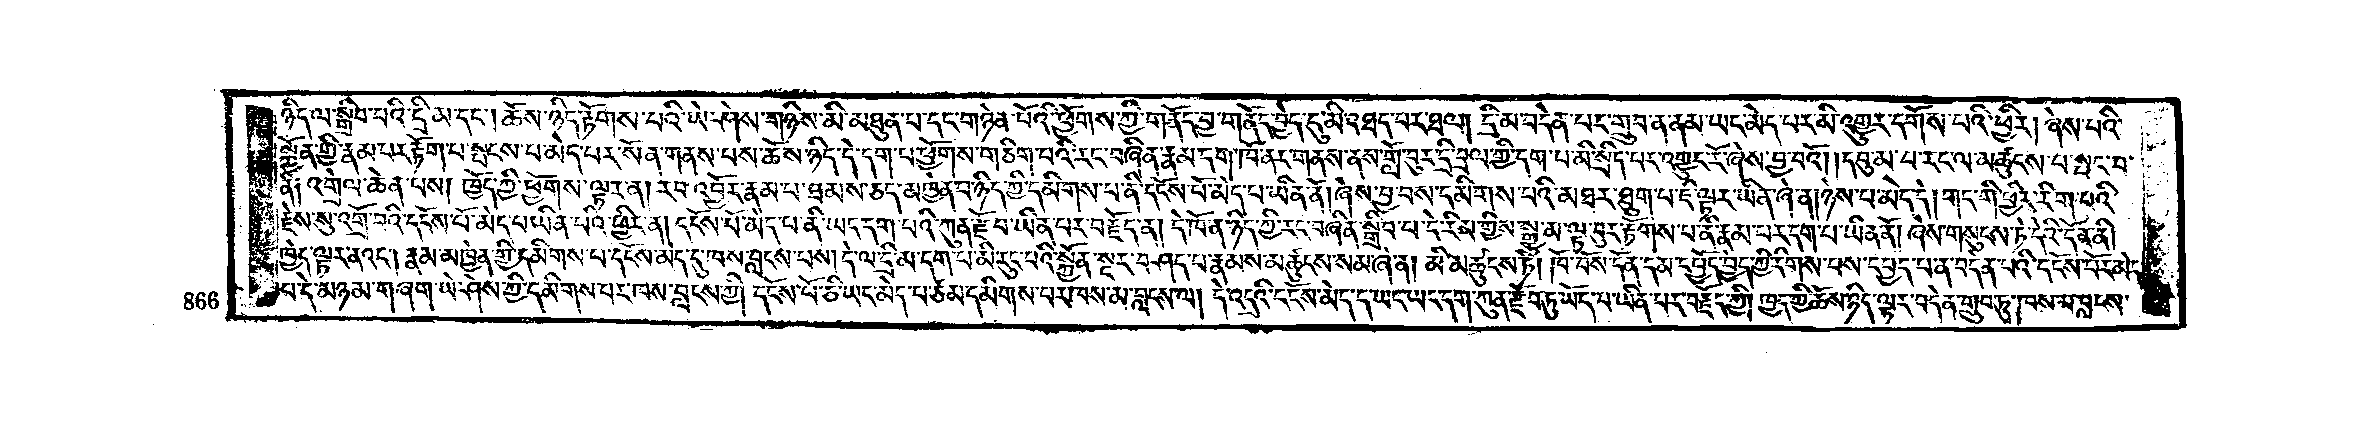ཉིད་ལ་སྒྲིབ་པའི་དྲི་མ་དང་། ཆོས་ཉིད་རྟོགས་པའི་ཡེ་ཤེས་གཉིས་མི་མཐུན་པ་དང་གཉེན་པོའི་ཕྱོགས་ཀྱི་གནོད་བྱ་གནོད་བྱེད་དུ་མི་འཐད་པར་ཐལ། དྲི་མ་བདེན་པར་གྲུབ་ན་ནམ་ཡང་མེད་པར་མི་འགྱུར་དགོས་པའི་ཕྱིར། ཞེས་པའི་
སྐྱོན་གྱི་རྣམ་པར་རྟོག་པ་སྤངས་པ་མེད་པར་སོན་གནས་པས་ཆོས་ཉིད་དེ་དག་པ་ཕྱོགས་གཅིག་པའི་རང་བཞིན་རྣམ་དག་ཁོ་ནར་གནས་ནས་གློ་བུར་དྲི་བྲལ་གྱི་དག་པ་མི་སྲིད་པར་འགྱུར་རོ་ཞེས་བྱ་བའོ། །དབུ་མ་པ་རང་ལ་མཚུངས་པ་སྤང་བ་
ནི། འགྲེལ་ཆེན་པས། ཁྱོད་ཀྱི་ཕྱོགས་ལྟར་ན། རབ་འབྱོར་རྣམ་པ་ཐམས་ཅད་མཁྱེན་པ་ཉིད་ཀྱི་དམིགས་པ་ནི་དངོས་པོ་མེད་པ་ཡིན་ནོ། ཞེས་བྱ་བས་དམིགས་པའི་མཐར་ཐུག་པ་ཇི་ལྟར་ཡིན་ཞེ་ན། ཉེས་པ་མེད་དེ། གང་གི་ཕྱིར་རིག་པའི་
རྗེས་སུ་འགྲོ་བའི་དངོས་པོ་མེད་པ་ཡིན་པའི་ཕྱིར་ན། དངོས་པོ་མེད་པ་ནི་ཡང་དག་པའི་ཀུན་རྫོབ་ཡིན་པར་བརྗོད་ན། དེ་ཁོ་ན་ཉིད་ཀྱི་རང་བཞིན་སྒྲིབ་པ་དེ་རིམ་གྱིས་སྒྱུ་མ་ལྟ་བུར་རྟོགས་པ་ནི་རྣམ་པར་དག་པ་ཡིན་ནོ། ཞེས་གསུངས་ཏེ་དེའི་དོན་ནི།
ཁྱེད་ལྟར་ནའང་། རྣམ་མཁྱེན་གྱི་དམིགས་པ་དངོས་མེད་དུ་ཁས་བླངས་པས། དེ་ལ་དྲི་མ་དག་པ་མི་རུང་བའི་སྐྱོན་སྔར་བཤད་པ་རྣམས་མཚུངས་སམ་ཞེ་ན། མི་མཚུངས་ཏེ། ཁོ་བོས་དོན་དམ་དཔྱོད་བྱེད་ཀྱི་རིགས་པས་དཔྱད་པ་ན་བདེན་པའི་དངོས་པོར་མེད་
པ་དེ་མཉམ་གཞག་ཡེ་ཤེས་ཀྱི་དམིགས་པར་ཁས་བླངས་ཀྱི། དངོས་པོ་ཅི་ཡང་མེད་པ་ཙམ་དམིགས་པར་ཁས་མ་བླངས་ལ། དེ་འདྲའི་དངོས་མེད་དེ་ཡང་ཡང་དག་ཀུན་རྫོབ་ཏུ་ཡོད་པ་ཡིན་པར་བརྗོད་ཀྱི། ཁྱད་ཀྱི་ཆོས་ཉིད་ལྟར་བདེན་གྲུབ་ཏུ་ཁས་མ་བླངས་